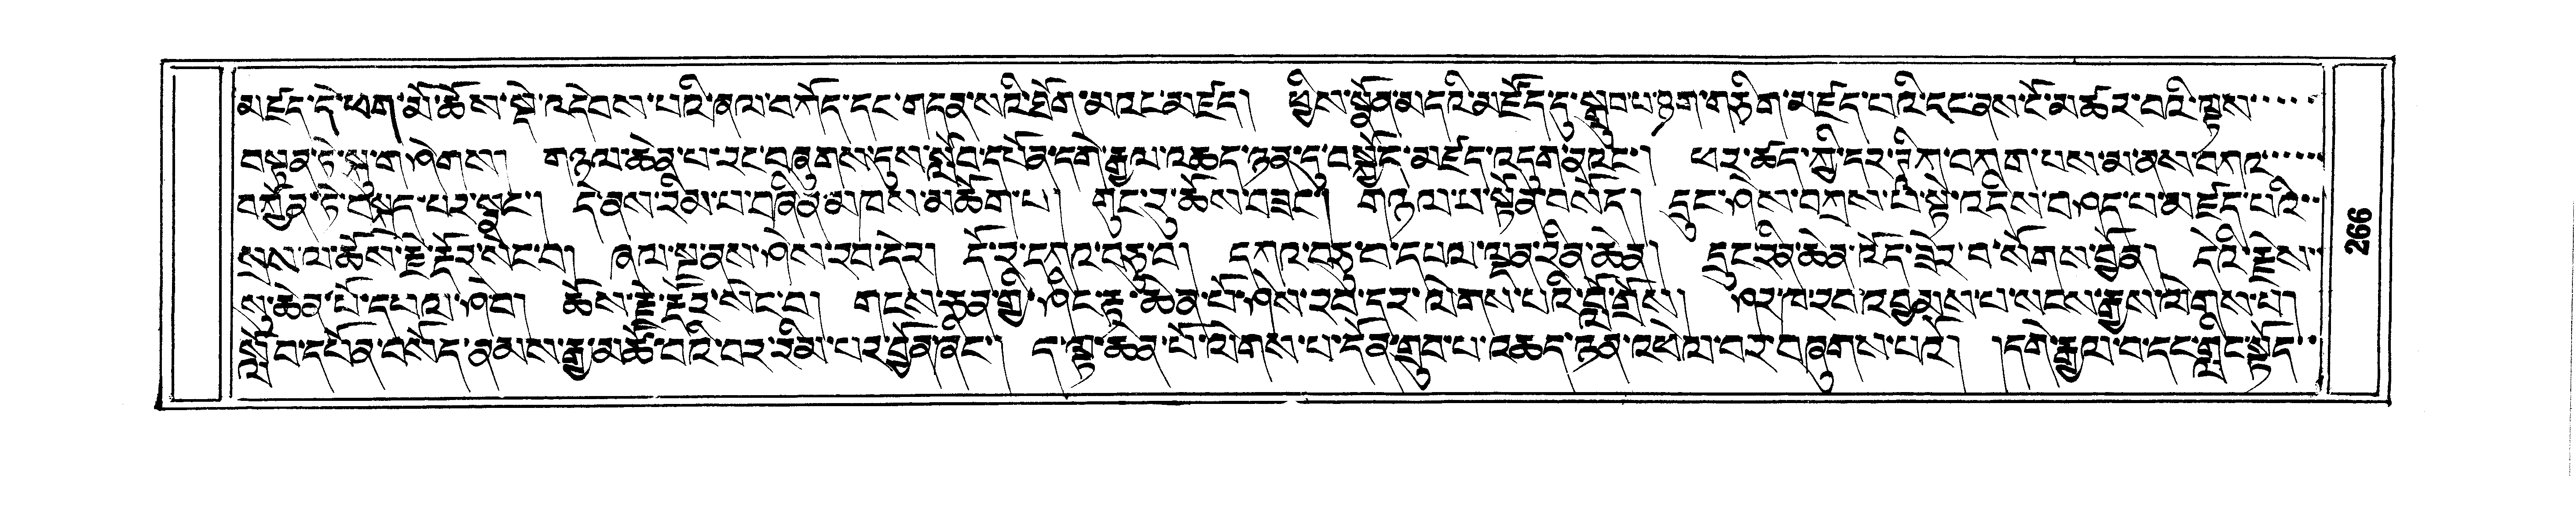མཛད་དེ་ཕག་མོ་ཆོས་སྡེ་འདེབས་པའི་ཞལ་བཀོད་དང་གདན་སའི་ཐོག་མའང་མཛད། ཕྱིས་སྣོན་མདའི་མཛོད་དུ་སྒྲུབ་པ་ཉག་གཅིག་མཛད་པའི་དང་ནས་ངོ་མཚར་བའི་ལྟས་
བསྟན་ཏེ་སྐུ་གཤེགས། གཉལ་ཆེན་པ་རང་བཞུགས་དུས་སློབ་དཔོན་དགེ་རྒྱལ་འཆད་ཉན་དུ་བསྐྱོད་མཛད་འདུག་ནའང་། ཕར་ཚད་ཀྱི་དར་ཊཱིཀྲ་བཀག་པས་མ་ནས་བཀའ་
བཀྱོན་ཏེ་བསྐད་པར་སྣང་། དེ་ནས་རིམ་པ་བཞིན་མཁས་མཆོག་པ། གུང་རུ་ཆོས་བཟང་། གཉལ་པ་སྟོན་བསོད། དྲུང་ཤེས་བཀྲས་པ་སྟེ་འདིས་བཤད་པ་མཛད་པའི་
སྲས་ལ་ཆོས་རྗེ་རྡོར་སེང་བ། ཞལ་སྔ་ནས་ཤེས་རབ་དེར། དོ་ར་དཀའ་བཅུ་བ། དཀའ་བཅུ་བ་དཔལ་ལྡན་རིན་ཆེན། དྲུང་རིན་ཆེན་འོད་ཟེར་བ་སོགས་བྱོན། དེའི་རྗེས་
སུ་ཆེན་པོ་དཔལ་ཤེ་བ། ཆོས་རྗེ་རྡོར་སེང་བ། གངས་ཅན་གྱི་ཤིང་རྟ་ཆེན་པོ་ཤེས་རབ་དར་ལེགས་པའི་བློ་གྲོས། ཤར་ཁ་རབ་འབྱམས་པ་སངས་རྒྱས་ལེགས་པ།
སློབ་དཔོན་བསོད་ནམས་རྒྱ་མཚོ་བའི་བར་རིམ་པར་བྱོན་ཞིང་། ད་ལྟ་ཆེན་པོ་ལེགས་པ་དོན་གྲུབ་པ་འཆད་ཉན་འཕེལ་བར་བཞུགས་པའོ། །དགེ་རྒྱལ་བ་དང་གླིང་སྟོད་